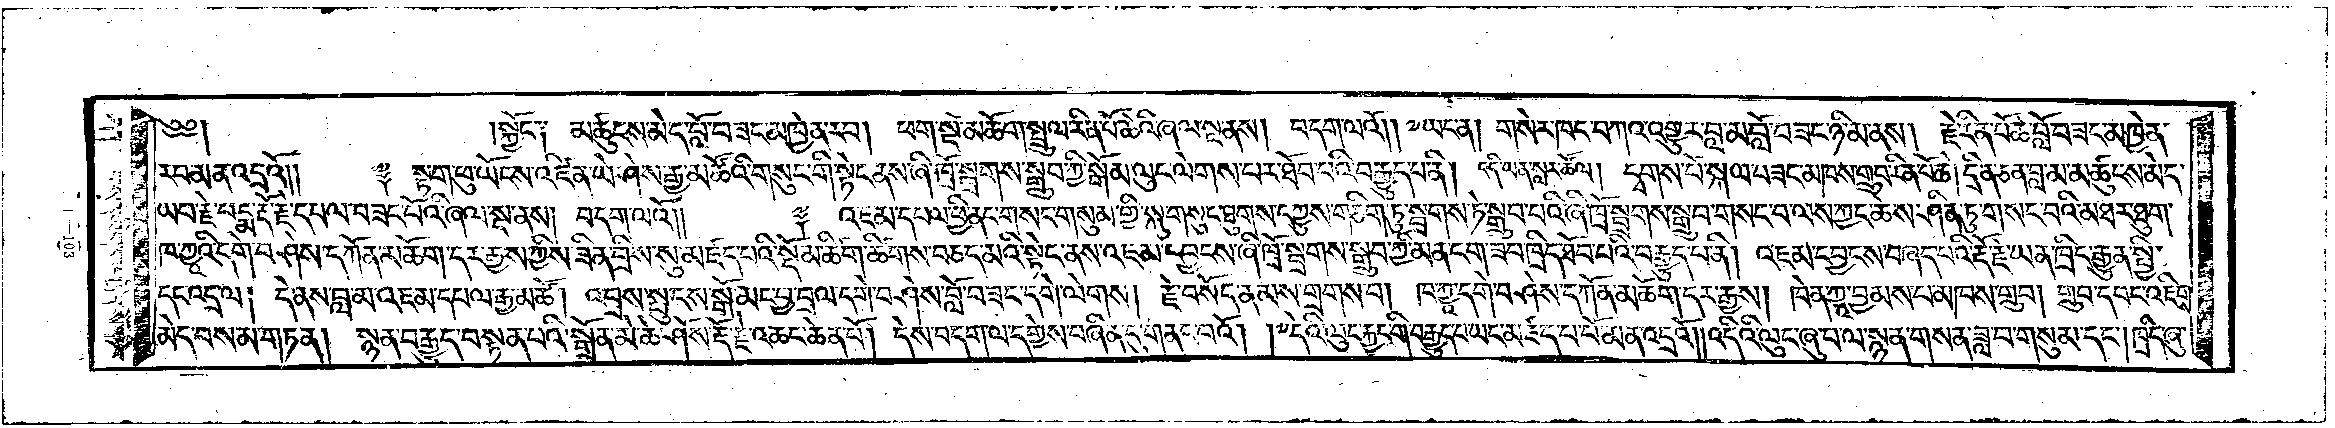༄༅། །སྐྱོང༑ མཚུངས་མེད་བློ་བཟང་མཁྱེན་རབ། ཕག་སྡེ་མཆོག་སྤྲུལ་རིན་པོ་ཆེའི་ཞལ་སྔ་ནས། བདག་ལའོ། །༧ཡང་ན། གསེར་ཁང་བཀའ་འགྱུར་བླ་མ་བློ་བཟང་ཉི་མ་ནས། རྗེ་རིན་པོ་ཆེ་བློ་བཟང་མཁྱེན་
རབ་མན་འདྲའོ།། ༈ སྟག་ཕུ་ཡོངས་འཛིན་ཡེ་ཤེས་རྒྱུ་མཚོའི་གསུང་གི་སྟེང་ནས་ཞི་ཁྲོ་སྒྲགས་སྒྲུབ་ཀྱི་སྒོམ་ལུང་ལེགས་པར་ཐོབ་པའི་བརྒྱུད་པ་ནི། འདི་ཡན་སླར་ཚོལ།  དྭགས་པོ་སྐལ་བཟང་མཁས་གྲུབ་རིན་པོ་ཆེ། དྲིན་ཅན་བླ་མ་མཚུངས་མེད་
ཡབ་རྗེ་པདམ་རྡོ་རྗེ་དཔལ་བཟང་པོའི་ཞལ་སྔ་ནས། བདག་ལའོ།། ༈ འཇམ་དཔལ་ཕྱི་ནང་གསང་གསུམ་གྱི་སྐུ་གསུང་ཐུགས་དཀྱུས་གཅིག་ཏུ་སྦྲགས་ཏེ་སྒྲུབ་པའི་ཞི་ཁྲོ་སྦྲུགས་སྒྲུབ་གསང་བ་ལས་ཀྱང་ཆེས་ཤིན་ཏུ་གསང་བའི་མཐར་ཐུག་
ཁ་ཀྱའི་དགེ་བཤེས་དཀོན་མཆོག་དར་རྒྱས་ཀྱིས་ཟིན་བྲིས་སུ་མཛད་པའི་སྡོ་མ་ཚིག་ཚིགས་བཅད་མའི་སྟེང་ནས་འཇམ་དབྱངས་ཞི་ཁྲོ་སྦྲགས་སྒྲུབ་ཀྱི་མན་ངག་ཟབ་ཁྲིད་ཐོབ་པའི་བརྒྱུད་པ་ནི། འཇམ་དབྱངས་བཞད་པའི་རྡོ་རྗེ་ཡན་ཁྲིད་རྒྱུན་སྤྱི་དང་འདྲ་ལ། དེ་ནས་བླ་མ་འཇམ་དཔལ་རྒྱ་མཚོ། འབྲས་སྤུངས་སྒོ་མང་བྱ་བྲལ་དགེ་བཤེས་བློ་བཟང་དགེ་ལེགས། རྗེ་བསོད་ནམས་གྲགས་པ། ཁ་ཀྱཱ་དགེ་བཤེས་དཀོན་མཆོག་དར་རྒྱས། ཁེན་ཀྱཱ་བྱམས་པ་མཁས་གྲུབ། གྲུབ་དབང་འཇིགས་
མེད་བསམ་གཏན། སྙན་བརྒྱུད་བསྟན་པའི་སྒྲོན་མེ་ཆེ་ཤོས་རྡོ་རྗེ་འཆང་ཆེན་པོ། དེས་བདག་ལ་དགྱེས་བཞིན་དུ་གནང་བའོ། །དེའི་ལུང་རྐྱང་གི་བརྒྱུད་པ་ཡང་མཛད་པ་པོ་མན་འདྲའོ། །འདིའི་ལུང་ཞུ་བ་ལ་སྙན་གསན་ཟླ་བ་གསུམ་དང་། ཁྲིད་ཞུ་